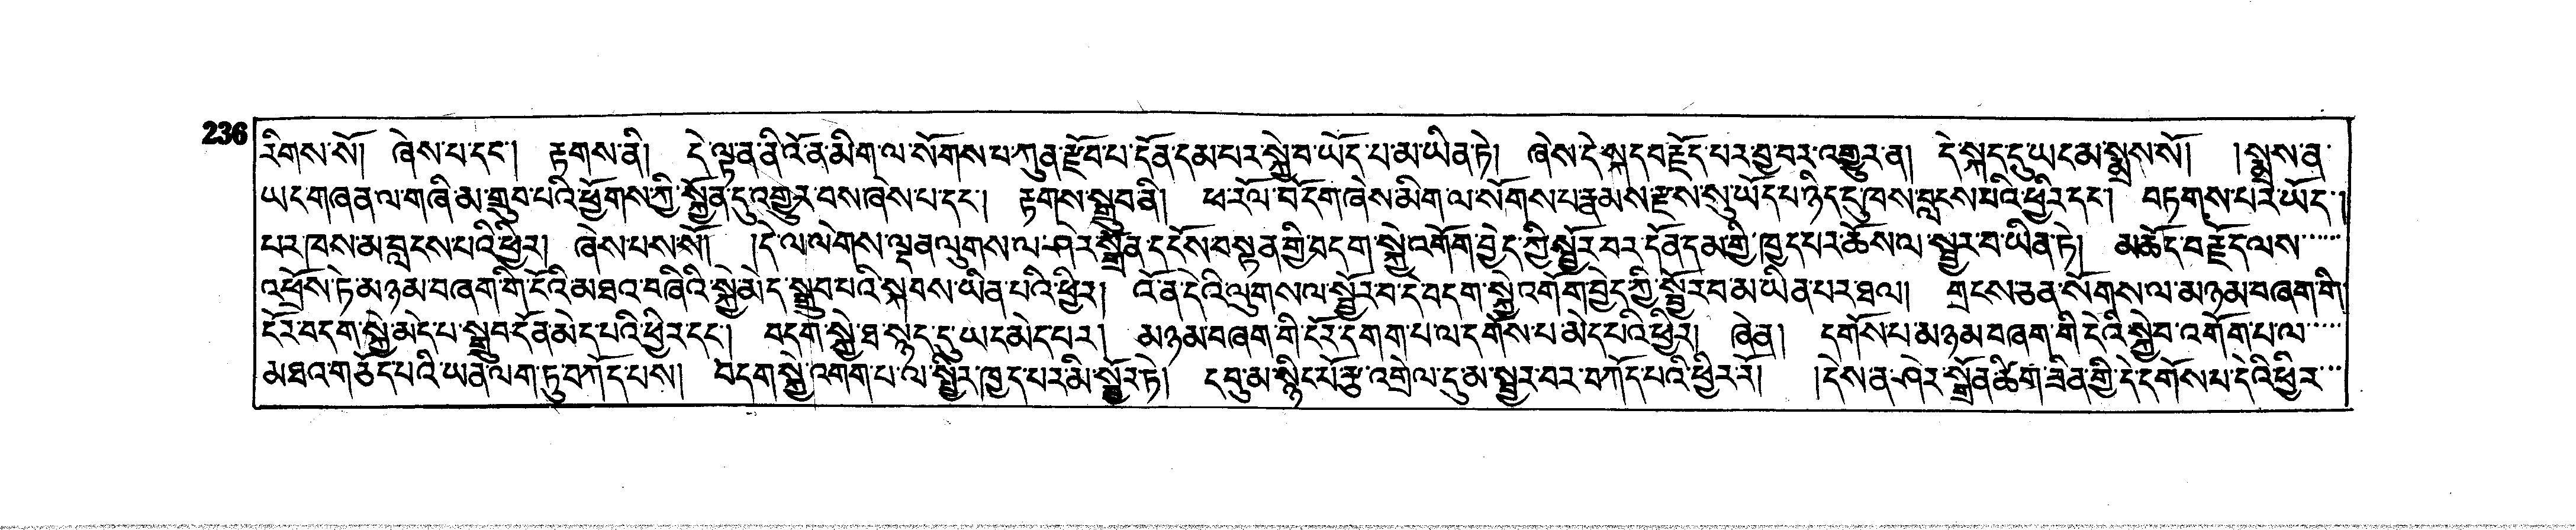རིགས་སོ། ཞེས་པ་དང་། རྟགས་ནི། དེ་ལྟ་ན་ནི་འོ་ན་མིག་ལ་སོགས་པ་ཀུན་རྫོབ་པ་དོན་དམ་པར་སྐྱེ་བ་ཡོད་པ་མ་ཡིན་ཏེ། ཞེས་དེ་སྐད་བརྗོད་པར་བྱ་བར་འགྱུར་ན། དེ་སྐད་དུ་ཡང་མ་སྨྲས་སོ། །སྨྲས་ན་
ཡང་གཞན་ལ་གཞི་མ་གྲུབ་པའི་ཕྱོགས་ཀྱི་སྐྱོན་དུ་འགྱུར་བས་ཞེས་པ་དང་། རྟགས་སྒྲུབ་ནི། ཕ་རོལ་བོ་དག་ཞེས་མིག་ལ་སོགས་པ་རྣམས་རྫས་སུ་ཡོད་པ་ཉིད་དུ་ཁས་བླངས་པའི་ཕྱིར་དང་། བཏགས་པར་ཡོད་
པར་ཁས་མ་བླངས་པའི་ཕྱིར། ཞེས་པས་སོ། །དེ་ལ་ལེགས་ལྡན་ལུགས་ལ་ཤེར་སྒྲོན་དངོས་བསྟན་གྱི་བདག་སྐྱེ་འགོག་བྱེད་ཀྱི་སྦྱོར་བར་དོན་དམ་གྱི་ཁྱད་པར་ཆོས་ལ་སྦྱར་བ་ཡིན་ཏེ། མཆོད་བརྗོད་ལས་
འཕྲོས་ཏེ་མཉམ་བཞག་གི་ངོའི་མཐའ་བཞིའི་སྐྱེ་མེད་སྒྲུབ་པའི་སྐབས་ཡིན་པའི་ཕྱིར། འོ་ན་དེའི་ལུགས་ལ་སྦྱོར་བ་དེ་བདག་སྐྱེ་འགོག་བྱེད་ཀྱི་སྦྱོར་བ་མ་ཡིན་པར་ཐལ། གྲངས་ཅན་སོགས་ལ་མཉམ་བཞག་གི་
ངོར་བདག་སྐྱེ་མེད་པ་སྒྲུབ་དོན་མེད་པའི་ཕྱིར་དང་། བདག་སྐྱེ་ཐ་སྙད་དུ་ཡང་མེད་པར། མཉམ་བཞག་གི་ངོར་དགག་པ་ལ་དགོས་པ་མེད་པའི་ཕྱིར། ཞེ་ན། དགོས་པ་མཉམ་བཞག་གི་དེའི་སྐྱེ་བ་འགོག་པ་ལ་
མཐའ་གཅོད་པའི་ཡན་ལག་ཏུ་བཀོད་པས། བདག་སྐྱེ་འགག་པ་ལ་སྤྱིར་ཁྱད་པར་མི་སྦྱོར་ཏེ། དབུ་མ་སྙིང་པོ་རྩ་འགྲེལ་དུ་མ་སྦྱར་བར་བཀོད་པའི་ཕྱིར་རོ། །དེས་ན་ཤེར་སྒྲོན་ཚིག་ཟིན་གྱི་དེ་དགོས་པ་དེའི་ཕྱིར་